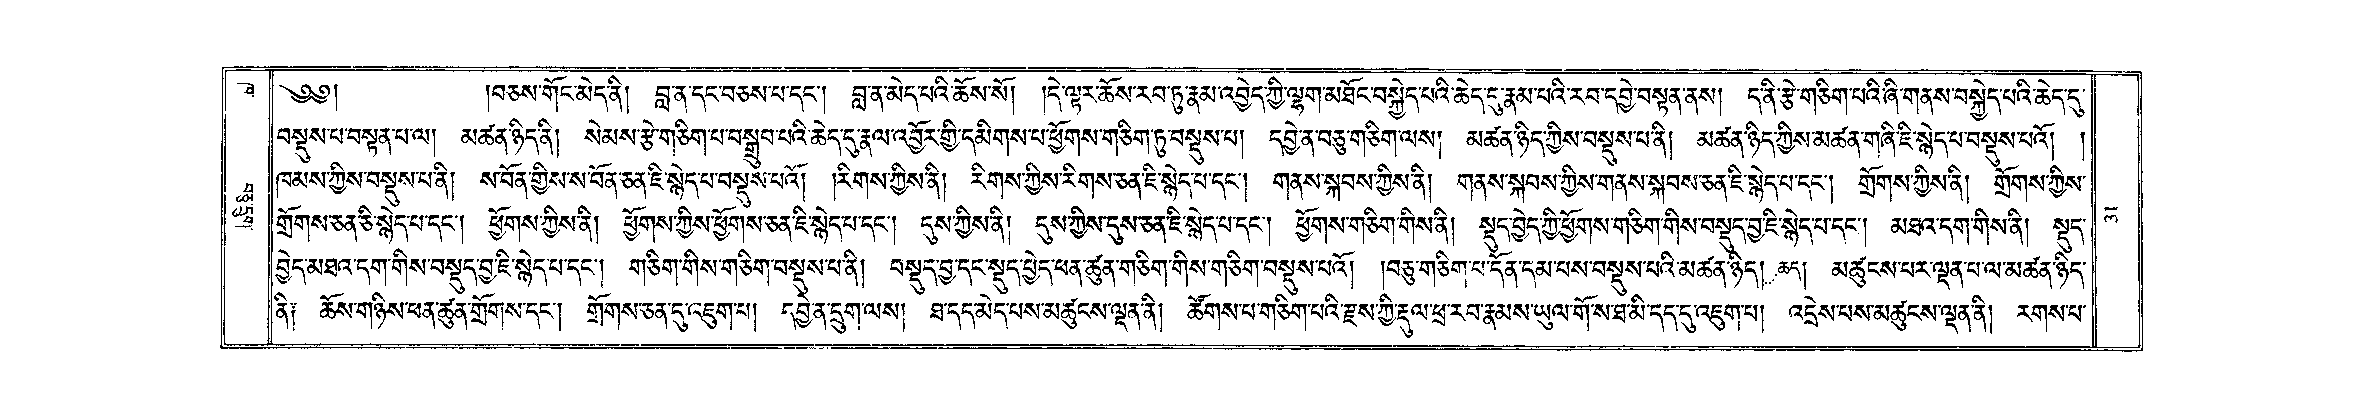༄༅། །བཅས་གོང་མེད་ནི། བླ་ན་དང་བཅས་པ་དང་། བླ་ན་མེད་པའི་ཆོས་སོ། །དེ་ལྟར་ཆོས་རབ་ཏུ་རྣམ་འབྱེད་ཀྱི་ལྷག་མཐོང་བསྐྱེད་པའི་ཆེད་དུ་རྣམ་པའི་རབ་དབྱེ་བསྟན་ནས། ད་ནི་རྩེ་གཅིག་པའི་ཞི་གནས་བསྐྱེད་པའི་ཆེད་དུ་
བསྡུས་པ་བསྟན་པ་ལ། མཚན་ཉིད་ནི། སེམས་རྩེ་གཅིག་པ་བསྒྲུབ་པའི་ཆེད་དུ་རྣལ་འབྱོར་གྱི་དམིགས་པ་ཕྱོགས་གཅིག་ཏུ་བསྡུས་པ། དབྱེ་ན་བཅུ་གཅིག་ལས། མཚན་ཉིད་ཀྱིས་བསྡུས་པ་ནི། མཚན་ཉིད་ཀྱིས་མཚན་གཞི་ཇི་སྙེད་པ་བསྡུས་པའོ། །
ཁམས་ཀྱིས་བསྡུས་པ་ནི། ས་བོན་གྱིས་ས་བོན་ཅན་ཇི་སྙེད་པ་བསྡུས་པའོ། །རིགས་ཀྱིས་ནི། རིགས་ཀྱིས་རིགས་ཅན་ཇི་སྙེད་པ་དང་། གནས་སྐབས་ཀྱིས་ནི། གནས་སྐབས་ཀྱིས་གནས་སྐབས་ཅན་ཇི་སྙེད་པ་དང་། གྲོགས་ཀྱིས་ནི། གྲོགས་ཀྱིས་
གྲོགས་ཅན་ཅི་སྙེད་པ་དང་། ཕྱོགས་ཀྱིས་ནི། ཕྱོགས་ཀྱིས་ཕྱོགས་ཅན་ཇི་སྙེད་པ་དང་། དུས་ཀྱིས་ནི། དུས་ཀྱིས་དུས་ཅན་ཇི་སྙེད་པ་དང་། ཕྱོགས་གཅིག་གིས་ནི། སྡུད་བྱེད་ཀྱི་ཕྱོགས་གཅིག་གིས་བསྡུད་བྱ་ཇི་སྙེད་པ་དང་། མཐའ་དག་གིས་ནི། སྡུད་
བྱེད་མཐའ་དག་གིས་བསྡུད་བྱ་ཇི་སྙེད་པ་དང་། གཅིག་གིས་གཅིག་བསྡུས་པ་ནི། བསྡུད་བྱ་དང་སྡུད་བྱེད་ཕན་ཚུན་གཅིག་གིས་གཅིག་བསྡུས་པའོ། །བཅུ་གཅིག་པ་དོན་དམ་པས་བསྡུས་པའི་མཚན་ཉིད། ཆད། མཚུངས་པར་ལྡན་པ་ལ་མཚན་ཉིད་
ནི༑ ཆོས་གཉིས་ཕན་ཚུན་གྲོགས་དང་། གྲོགས་ཅན་དུ་འཇུག་པ། དབྱེ་ན་དྲུག་ལས། ཐ་དད་མེད་པས་མཚུངས་ལྡན་ནི། ཚོགས་པ་གཅིག་པའི་རྫས་ཀྱི་རྡུལ་ཕྲ་རབ་རྣམས་ཡུལ་གོ་ས་ཐ་མི་དད་དུ་འཇུག་པ། འདྲེས་པས་མཚུངས་ལྡན་ནི། རགས་པ་